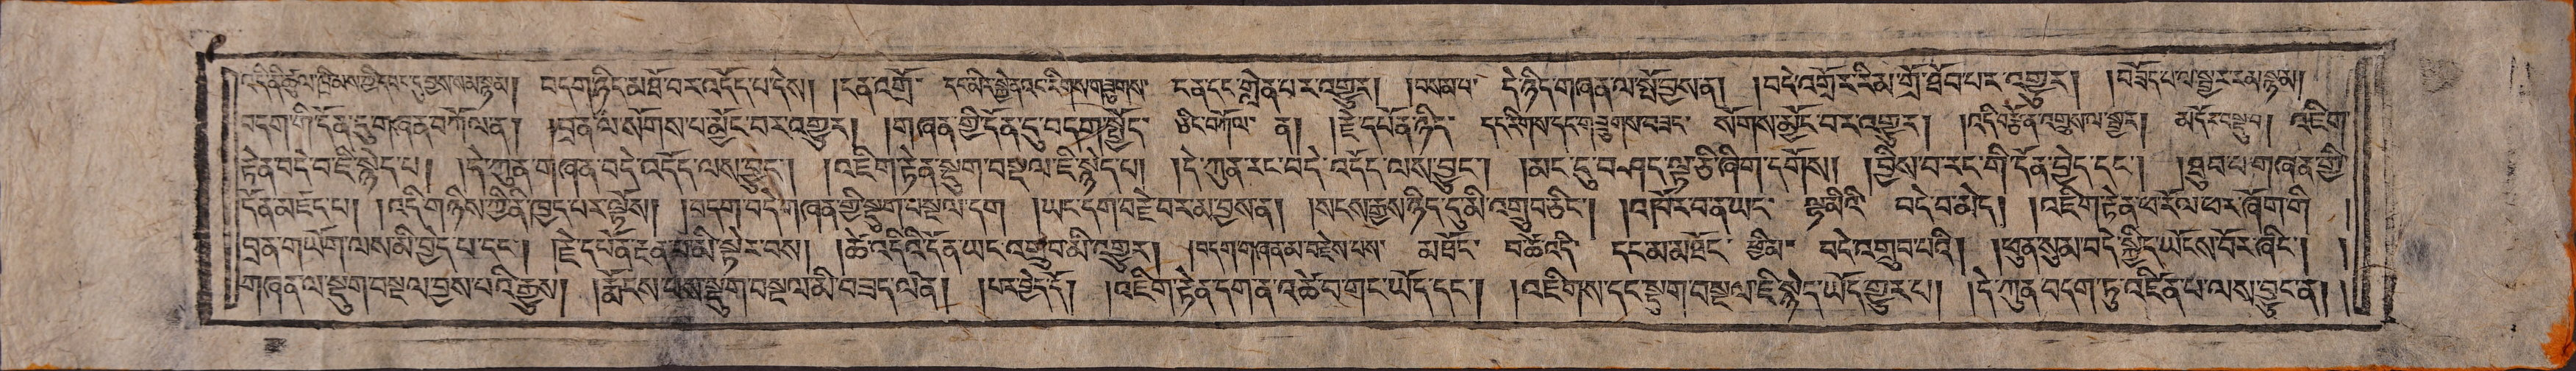འདི་ནི་ཚུལ་ཁྲིམས་ཀྱི་དབང་དུ་བྱས་སམ་སྙམ།  བདག་ཉིད་མཐོ་བར་འདོད་པ་དེས། །ངན་འགྲོ་དང་མིར་སྐྱེ་ནའང་རིགས་གཟུགས་ངན་དང་གླེན་པར་འགྱུར། །བསམ་པ་དེ་ཉིད་གཞན་ལ་སྤོ་བྱས་ན། །བདེ་འགྲོར་རིམ་གྲོ་ཐོབ་པར་འགྱུར། །བཟོད་པ་ལ་སྦྱར་རམ་སྙམ།
བདག་གི་དོན་དུ་གཞན་བཀོལ་ན། །བྲན་ལ་སོགས་བ་མྱོང་བར་འགྱུར། །གཞན་གྱི་དོན་དུ་བདག་སྤྱོད་ཅིང་བཀོལ་ན། །རྗེ་དཔོན་ཉིད་དང་རིགས་དང་གཟུགས་བཟང་སོགས་མྱོང་བར་འགྱུར། །འདི་བརྩོན་འགྲུས་ལ་སྦྱར། མདོར་བསྡུ་བ།  འཇིག་
རྟེན་བདེ་བ་ཇི་སྙེད་པ། །དེ་ཀུན་གཞན་བདེ་འདོད་ལས་བྱུང་། །འཇིག་རྟེན་སྡུག་བསྔལ་ཇི་སྙེད་པ། །དེ་ཀུན་རང་བདེ་འདོད་ལས་བྱུང་། །མང་དུ་བཤད་ལྟ་ཅི་ཞིག་དགོས། །བྱིས་པ་རང་གི་དོན་བྱེད་དང་། །ཐུབ་པ་གཞན་གྱི་
དོན་མཛད་པ། །འདི་གཉིས་ཀྱི་ནི་ཁྱད་པར་ལྟོས། །བདག་བདེ་གཞན་གྱི་སྡུག་བསྔལ་དག །ཡང་དག་བརྗེ་བར་མ་བྱས་ན། །སངས་རྒྱས་ཉིད་དུ་མི་འགྲུབ་ཅིང་། །འཁོར་བ་ན་ཡང་ལྷ་མིའི་བདེ་བ་མེད། །འཇིག་རྟེན་ཕ་རོལ་ཕར་ཞོག་གི །
བྲན་གཡོག་ལས་མི་བྱེད་བ་དང་། །རྗེ་དཔོན་རྔན་པ་མི་སྟེར་བས། །ཚེ་འདིའི་དོན་ཡང་འགྲུབ་མི་འགྱུར། །བདག་གཞན་མ་བརྗེས་པས་མཐོང་བ་ཚེ་འདི་དང་མ་མཐོང་ཕྱི་མ་བདེ་འགྲུབ་པའི། །ཕུན་སུམ་བདེ་སྐྱིད་ཡོངས་བོར་ཞིང་། །
གཞན་ལ་སྡུག་བསྔལ་བྱས་པའི་རྒྱུས། །རྨོངས་པས་སྡུག་བསྔལ་མི་བཟད་ལེན། །པར་བྱེད་དོ།  །འཇིག་རྟེན་དག་ན་འཚེ་བ་གང་ཡོད་དང་། །འཇིགས་དང་སྡུག་བསྔལ་ཇི་སྙེད་ཡོད་གྱུར་པ། །དེ་ཀུན་བདག་ཏུ་འཛིན་པ་ལས་བྱུང་ན། །